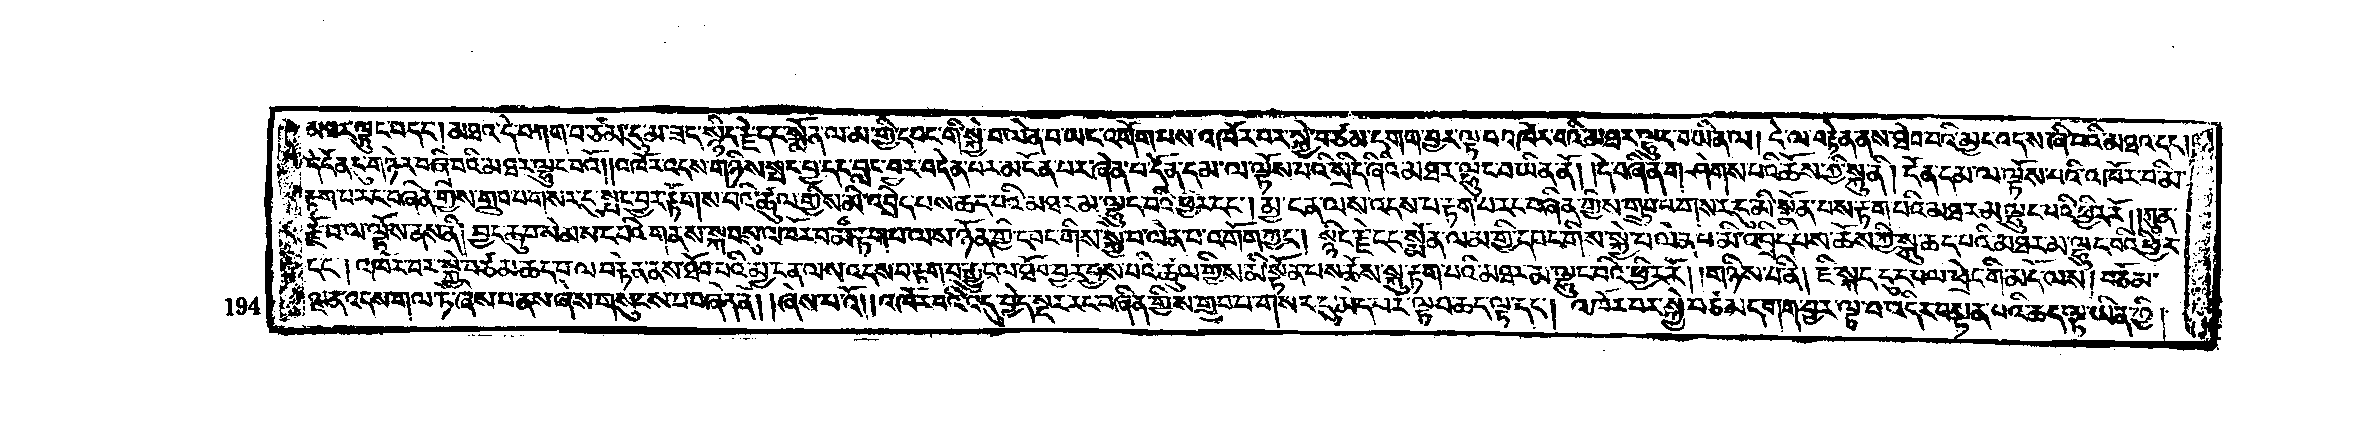མཐར་ལྟུང་བ་དང་། མཐའ་དེ་བཀག་པ་ཙམ་དུ་མ་ཟད་སྙིང་རྗེ་དང་སྨོན་ལམ་གྱི་དབང་གི་སྐྱེ་བ་ལེན་པ་ཡང་འགོག་པས་འཁོར་བར་སྐྱེ་བ་ཙམ་དགག་བྱར་ལྟ་བ་འཁོར་བའི་མཐར་ལྷུང་བ་ཡིན་ལ། དེ་ལ་བརྟེན་ནས་ཐོབ་པའི་མྱང་འདས་ཞི་བའི་མཐའ་དང་།
དེ་དོན་དུ་གཉེར་བཞི་བའི་མཐར་ལྷུང་བའོ། །འཁོར་འདས་གཉིས་སྤང་བྱ་དང་བླང་བྱར་བདེན་པར་མངོན་པར་ཞེན་པ་དོན་དམ་ལ་ལྟོས་པའི་སྲིད་ཞིའི་མཐར་ལྷུང་བ་ཡིན་ནོ། །དེ་བཞིན་གཤེགས་པའི་ཆོས་ཀྱི་སྐུ་ནི། དོན་དམ་ལ་ལྟོས་པའི་འཁོར་བ་མི་
རྟག་པ་རང་བཞིན་གྱིས་གྲུབ་པ་གསར་དུ་སྤང་བྱར་རྟོགས་པའི་ཚུལ་གྱིས་མི་འབྲེད་པས་ཆད་པའི་མཐར་མ་ལྷུང་བའི་ཕྱིར་དང་། མྱ་ངན་ལས་འདས་པ་རྟག་པ་རང་བཞིན་གྱིས་གྲུབ་པ་གསར་དུ་མི་སྣོན་པས་རྟག་པའི་མཐར་མ་ལྷུང་བའི་ཕྱིར་རོ། །ཀུན་
རྫོབ་ལ་ལྟོས་ནས་ནི། བྱང་ཆུབ་སེམས་དཔའི་གནས་སྐབས་སུ་འཁོར་བ་མི་རྟག་པ་ལས་ཉོན་གྱི་དབང་གིས་སྐྱེ་བ་ལེན་པ་འགོག་ཀྱང་། སྙིང་རྗེ་དང་སྨོན་ལམ་གྱི་དབང་གིས་སྐྱེ་བ་ལེན་པ་མི་འབྲིད་པས་ཆོས་ཀྱི་སྐུ་ཆད་པའི་མཐར་མ་ལྷུང་བའི་ཕྱིར་
དང༑ འཁོར་བར་སྐྱེ་བ་ཙམ་ཆད་པ་ལ་བརྟེན་ནས་ཐོབ་པའི་མྱ་ངན་ལས་འདས་པ་རྟག་པ་རྒྱུད་ལ་ཐོབ་བྱར་བྱས་པའི་ཚུལ་གྱིས་མི་སྟོན་པས་ཆོས་སྐུ་རྟག་པའི་མཐར་མ་ལྷུང་བའི་ཕྱིར་རོ། །གཉིས་པ་ནི། ཇི་སྐད་དུ་དཔལ་ཕྲེང་གི་མདོ་ལས། བཅོམ་
ལྡན་འདས་གལ་ཏེ་ཞེས་པ་ནས་ཞེས་གསུངས་པ་བཞིན་ནོ། །ཞེས་པའོ། །འཁོར་བའི་འདུ་བྱེད་སྔར་རང་བཞིན་གྱིས་གྲུབ་པ་གསར་དུ་མེད་པར་ལྟ་བ་ཆད་ལྟ་དང་། འཁོར་བར་སྐྱེ་བ་ཙམ་དགག་བྱར་ལྟ་བ་འདིར་བསྟན་པའི་ཆད་ལྟ་ཡིན་གྱི།